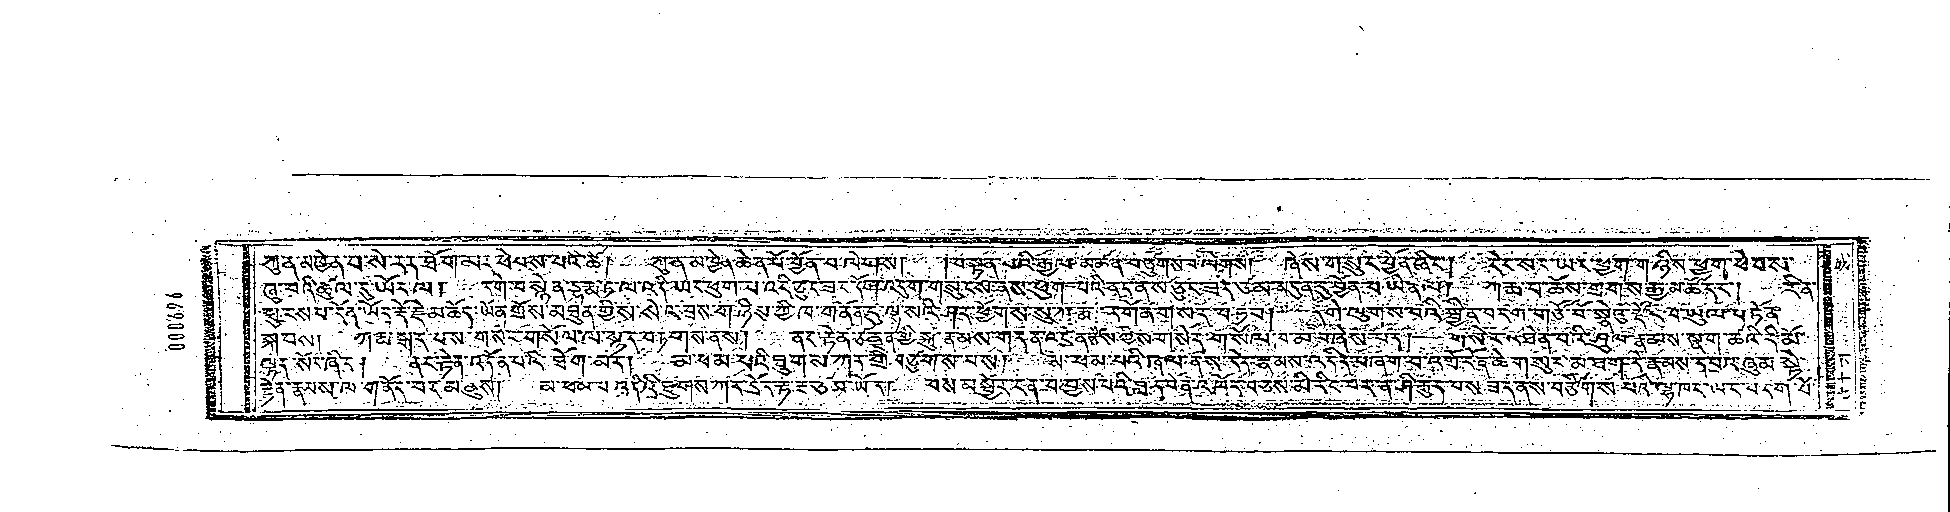ཀུན་མཁྱེན་པ་སེ་རར་ཐོག་མར་ཕེབས་པའི་ཚེ། ཀུན་མཁྱེན་ཆེན་པོ་བྱོན་པ་ལེགས། །བསྟན་པའི་རྒྱལ་མཚན་བཙུགས་པ་ལེགས། ཞེས་གསུངས་བྱོན་ཞིང་། དེང་སང་ཡང་ཕྱག་གཉིས་ཕྱག་ཕེབས་
ཞུ་བའི་ཚུལ་དུ་ཡོད་ལ། དགེ་བསྙེན་དྷརྨ་ཏ་ལ་འདི་ཡང་ཕུག་པ་འདི་ཅུང་ཟད་དོག་འདུག་གསུངས་ནས་ཕུག་པའི་ནང་ནས་ཅུང་ཟད་ཙམ་མདུན་དུ་བྱོན་པ་ཡིན་ལ། ཀརྨ་པ་ཆོས་གྲགས་རྒྱ་མཚོ་དང་། རིན་
སྤུངས་པ་དོན་ཡོད་རྡོ་རྗེ་མཆོད་ཡོན་གྲོས་མཐུན་གྱིས་སེ་འབྲས་གཉིས་ཀྱི་ཁ་གནོན་དུ་ལྷ་སའི་ཤར་ཕྱོགས་སུ་ཀརྨ་དགོན་གསར་བཏབ། དགེ་ལུགས་བའི་སྦྱིན་བདག་གཙོ་བོ་སྣེའུ་རྫོང་བ་ཡུལ་བཏོན་
སྐབས། ཀརྨ་སྒར་པས་གསེར་གསོལ་ལ་སྙད་བཏགས་ནས། ནང་རྟེན་ཙནྡན་གྱི་སྐུ་རྣམས་གདན་འདྲེན་རྩིས་ཀྱིས་གསེར་གསོལ་བ་མ་བཞེས་པར། གསེར་འཐེན་པའི་ཤུལ་རྣམས་སྣག་ཚའི་རི་མོ་
ལྟར་སོང་ཞིང་། ནང་རྟེན་འདོན་པའི་ཐོག་མར། མ་ཕམ་པའི་ཐུགས་ཀར་གྲི་བཙུགས་པས། མ་ཕམ་པའི་ཞལ་ནས་དེད་རྣམས་འདིར་བཞག་པ་འགྲོ་དོན་ཆེ་གསུང་མ་ཐག་དེ་རྣམས་དཔའ་ཞུམ་སྟེ་
རྟེན་རྣམས་ལ་གནོད་པར་མ་ནུས། མ་ཕམ་པ་འདིའི་ཐུགས་ཀར་དྲོང་རྟ་རྔ་ཙམ་ཡོད། བསམ་སྦྱོར་ངན་པ་བྱས་པའི་བླ་དཔོན་འཁོར་བཅས་མི་རིང་བར་ན་ཤི་རྒུད་པས་ཟད་ནས་བརྩིགས་པའི་ལྷ་ཁང་ཡང་བདག་པོ་